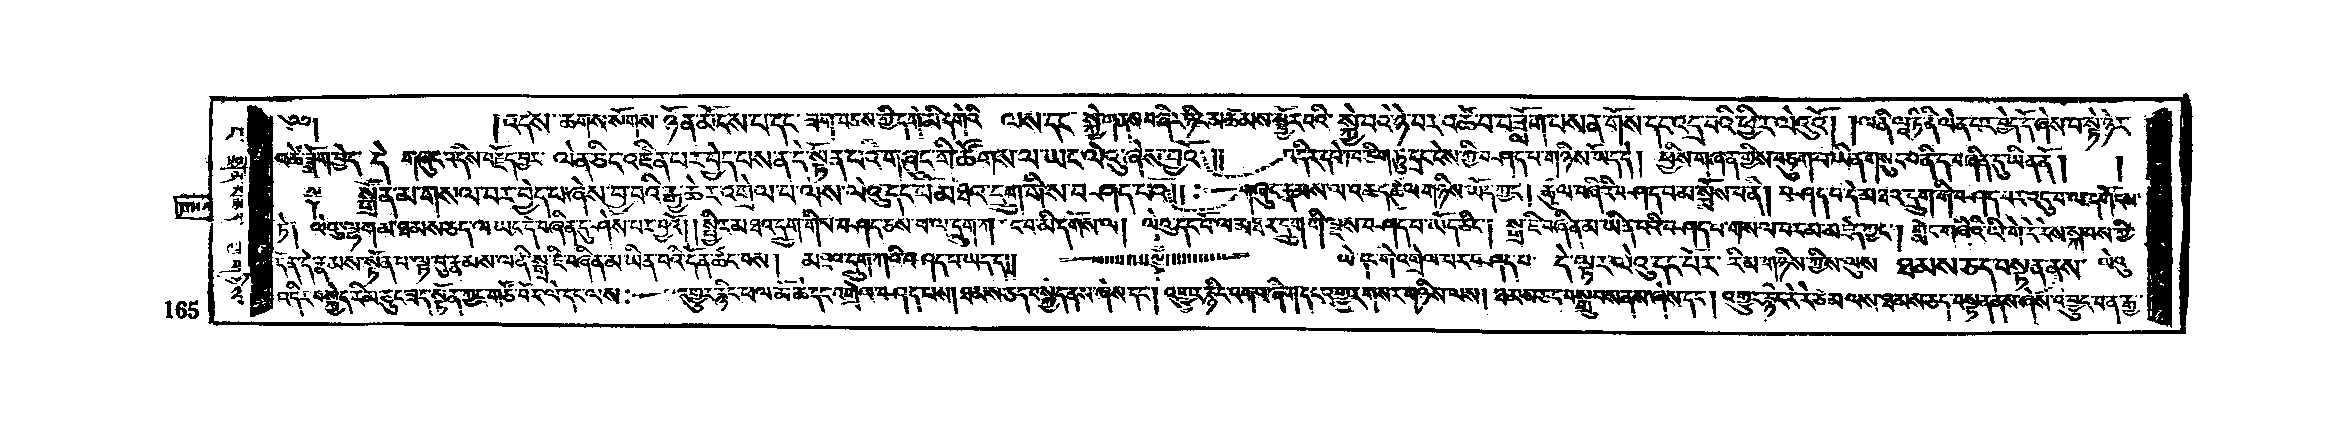༄༅། །འདིས་ཆགས་སོགས་ཉོན་མོངས་པ་དང་ཟག་བཅས་ཀྱི་དགེ་མི་དགེའི་ལས་དང་སྐྱེ་གནས་བཞིར་ཉིང་མཚམས་སྦྱོར་བའི་སྐྱེ་བའི་ཉེ་བར་འཚེ་བ་བཟློག་པས་ན་གོས་དང་འདྲ་བའི་ཕྱིར་ལེའུའོ། །ལ་ནི་ལཱ་ཏི་ནི་ལེན་པར་བྱེད་དོ་ཞེས་པ་སྟེ་ཉེར་
འཚེ་ཟློག་བྱེད་དེ་གཞུང་འདིས་བརྗོད་བྱར་ལེན་ཅིང་འཛིན་པར་བྱེད་པས་ན་དེ་སྟོན་པའི་གཞུང་གི་ཚོགས་ལ་ཡང་ལེའུ་ཞེས་བྱའོ།། འདིར་དཔེ་ཁ་ཅིག་ཏུ་དྲང་ངེས་ཀྱི་བཤད་པ་གཉིས་ཡོད་དེ། ཕྱིས་གཞན་གྱིས་བཅུག་པ་ཡིན་གསུང་བ་ནི་དེ་བཞིན་དུ་ཡིན་ནོ། །
༈ སྒྲོན་མ་གསལ་བར་བྱེད་པ་ཞེས་བྱ་བའི་རྒྱ་ཆེར་འགྲེལ་པ་ལས་ལེའུ་དང་པོ་མཐར་དྲུག་གིས་བཤད་པའོ།། H.་གཞུང་རྣམས་ལ་འཆད་ཚུལ་གཉིས་ཡོད་ཀྱང་། ཚུལ་བཞིའི་བཤད་པ་མ་སྨོས་པ་ནི། བཤད་པ་དེ་མཐའ་དྲུག་གི་བཤད་པར་འདུ་བ་ལ་དགོངས་
ཏེ། ལེའུ་ལྷག་མ་ཐམས་ཅད་ལ་ཡང་དེ་བཞིན་དུ་ཤེས་པར་བྱའོ། །སྤྱིར་མཐའ་དྲུག་གིས་བཤད་ཅེས་པ་ལ་དྲུག་ཀ་ཚང་བ་མི་དགོས་ལ། ལེའུ་དང་པོ་ལ་མཐའ་དྲུག་གི་ལྔས་བཤད་པ་ཡོད་ཅིང་། སྒྲ་ཇི་བཞིན་མ་ཡིན་པའི་བཤད་པ་གསལ་བར་མ་མཛད་ཀྱང་། གླེང་གཞིའི་ཡི་གེ་རེ་རེས་སྐབས་ཀྱི་
དོན་དེ་རྣམས་སྟོན་པ་ལྟ་བུ་རྣམས་ལ་ནི་སྒྲ་ཇི་བཞིན་མ་ཡིན་པའི་དོན་ཚང་བས། མཐའ་དྲུག་ཀའི་བཤད་པ་ཡོད་དོ།། ༈ ཡི་དང་གི་འགྲེལ་པར་བཤད་པ་དེ་ལྟར་ལེའུ་དང་པོར་རིམ་གཉིས་ཀྱིས་ལུས་ཐམས་ཅད་བསྟན་ནས་ལེའུ་
འདིར་བསྐྱེད་རིམ་ཅུང་ཟད་སྟོན་ཀྱང་གཙོ་བོར་ལེ་དང་ལས་H.་འགྱུར་རྙིང་ཕལ་མོ་ཆེ་དང་འགྲེལ་བཤད་པས། ཐམས་ཅད་བསྐྱེད་ནས་ཞེས་དང་། འགྱུར་རྙིང་འགའ་ཞིག་དང་འགྱུར་གསར་གཉིས་ལས། ཐམས་ཅད་བསྒྲུབས་ནས་ཞེས་དང་། འགྱུར་རྙིང་རེ་རེ་ཙམ་ལས་ཐམས་ཅད་བསྟན་ནས་ཞེས་འབྱུང་བ་ན་རྒྱ་